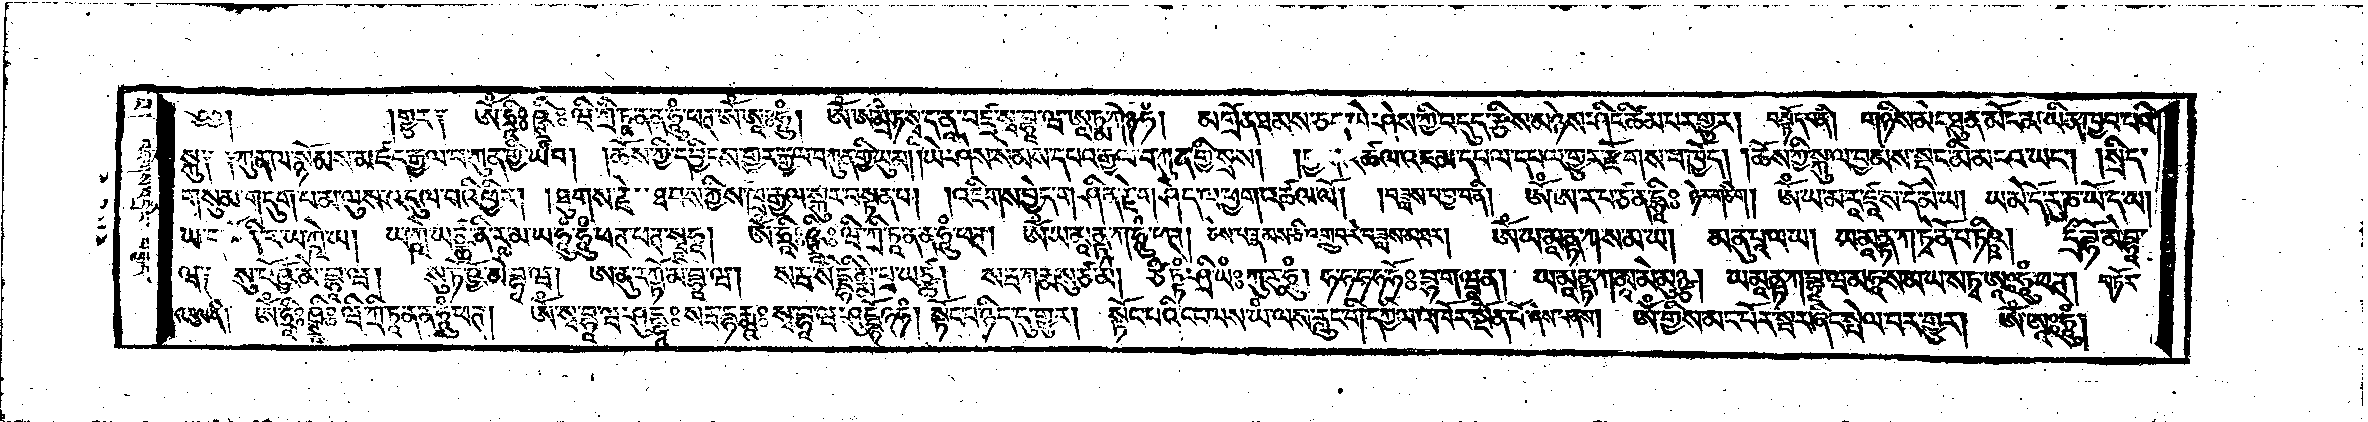༄༅། །གྱུར༑ ཨོཾ་ཧྲཱིཿཥྚཱིཿཝི་ཀྲི་ཏཱ་ན་ན་ཧཱུཾ་ཕཌ་ཨོཾ་ཨཱཿཧཱུཾ། ཨོཾ་ཨམྲི་ཏ་སྭ་ད་ནཱ་བཛྲ་སྭ་བྷཱ་ཝ་ཨཱཏྨ་ཀོཉཧཾ། མགྲོན་ཐམས་ཅད་ཡེ་ཤེས་ཀྱི་བདུད་རྩིས་མཉེས་ཤིང་ཚིམ་པར་གྱུར། བསྟོད་པ་ནི།  གཉིས་མེད་ཐུན་མོང་མ་ཡིན་ཁྱབ་པའི་
སྐུ༑ ༑ཀུན་ལ་སྙོམས་མཛད་རྒྱལ་བ་ཀུན་གྱི་ཡབ། །ཆོས་ཀྱི་དབྱིངས་གྱུར་རྒྱལ་བ་ཀུན་གྱི་ཡུམ། ཡེ་ཤེས་སེམས་དཔའ་རྒྱལ་བ་ཀུན་གྱི་སྲས། །ཕྱག་འཚལ་འཇམ་དཔལ་དཔལ་གྱུར་རྫོགས་པ་ཁྱོད། །ཆོས་ཀྱི་སྐུལ་བྱམས་སྡང་མི་མངའ་ཡང་། །སྲིད་
གསུམ་གདུག་པ་མ་ལུས་འདུལ་བའི་ཕྱིར། །ཐུགས་རྗེ་ཐབས་ཀྱིས་ཁྲོ་རྒྱལ་སྐུར་བསྟན་པ། །འཇིགས་བྱེད་གཤིན་རྗེ་གཤེད་ལ་ཕྱག་འཚལ་ལོ། །བཟླས་པ་བྱ་བ་ནི།  ཨོཾ་ཨ་ར་པ་ཙ་ན་དྷཱིཿཉེར་གཅིག །  ཨོཾ་ཡ་མ་རཱ་ཛཱ་ས་དོ་མེ་ཡ། ཡ་མེ་དོ་རུ་ཎ་ཡོ་ད་ཡ།
ཡ་ང་ཙྪོ་ནི་ར་ཡ་ཀྵེ་ཡ། ཡ་ཀྵེ་ཡཙྪ་ནི་རཱ་མ་ཡ་ཧཱུཾ་ཧཱུཾ་ཕཌ་ཕཌ་སྭཱཧཱ། ཨོཾ་ཧྲཱིཿཥྚྲིཿཝི་ཀྲི་ཏཱ་ན་ན་ཧཱུཾ་ཕཌ། ཨོཾ་ཡ་མཱནྟ་ཀ་ཧཱུཾ་ཕཌ། ཅེས་པ་རྣམས་ཅི་འགྲུབ་རེ་བཟླས་མཐར།  ཨོཾ་ཡ་མཱནྟ་ཀ་ས་མ་ཡ། མ་ནུ་པཱ་ལ་ཡ། ཡ་མཱནྟ་ཀ་ཏྭེ་ནོ་བ་ཏིཥཊཿཨ། དྲི་ཌྷོ་མེ་བྷཱ་
ཝ༑ སུ་པོ་ཥཊཿཨོ་མེ་བྷཱ་ཝ། སུ་ཏོ་ཥྱོ་མེ་བྷཱ་ཝ། ཨ་ནུ་རཀྟོ་མི་བྷཱ་ཝ། སརྦ་སེདྡྷི་མེ་པྲ་ཡཙྪ། སརྦ་ཀརྨ་སུ་ཙ་མ། ཙི་ཏྟཾ་ཤྲི་ཡཾཿཀུ་རུ་ཧཱུཾ། ཧ་ཧ་ཧ་ཧ་ཧོཿབྷ་ག་ཝན། ཡ་མཱནྟ་ཀ་མཱ་མེ་མུཉྩ། ཡ་མཱནྟ་ཀ་བྷཱ་ཝ་མཧཱ་ས་མ་ཡ་ས་ཏྭ་ཨཱཿཧཱུཾ་ཕཌ། གཏོར་
འབུལ་ནི། ཨོཾ་ཧྲཱིཿཥྚྲིཿཝི་ཀྲི་ཏཱ་ན་ན་ཧཱུཾ་ཕཌ། ཨོཾ་སྭ་བྷཱ་ཝ་ཤུདྡྷཱཿསརྦ་དྷརྨཱཿསྭ་བྷཱ་ཝ་ཤུདྡྷོ་ཉཧཾ། སྟོང་པ་ཉིད་དུ་གྱུར། སྟོང་པའི་ངང་ལས་ཡཾ་ལས་རླུང་གི་དཀྱིལ་འཁོར་སྔོན་པོ་ཞེས་པ་ནས། ཨོཾ་གྱིས་མང་པོར་སྦར་ཞིང་སྤེལ་བར་གྱུར། ཨོཾ་ཨཱཿཧཱུཾ།